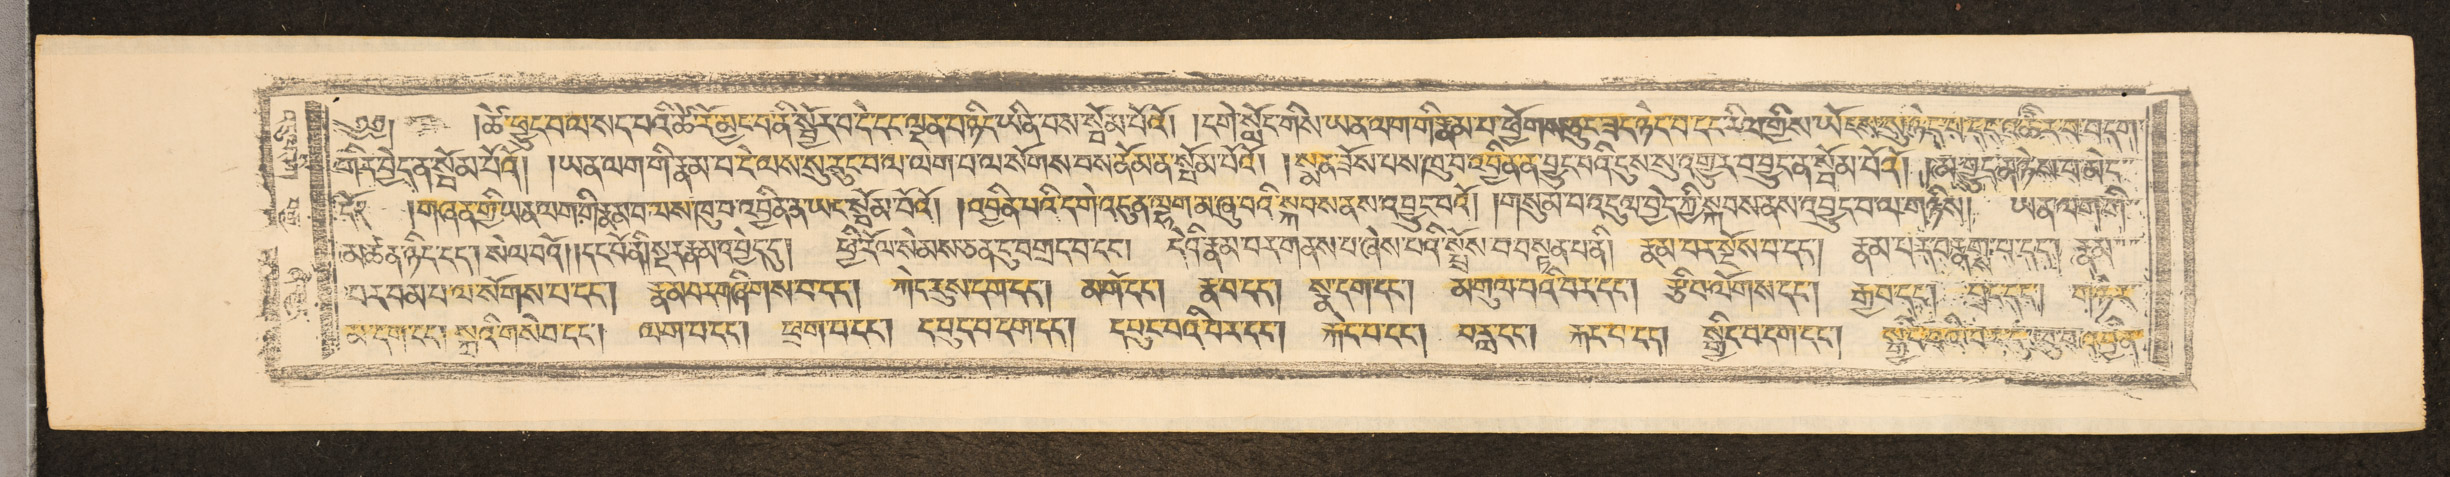༄༅། །ཚེ་ཕྱུང་བ་ལ་སད་པའི་ཚེ་རོ་མྱང་བ་ནི་སྦྱོར་བ་དེ་དང་ལྡན་པ་ཉིད་ཡིན་པས་སྦོམ་པོའོ། །དགེ་སློང་གིས་ཡན་ལག་གི་རྣམ་པ་ཕྱོགས་ཅུང་ཟད་ཉེད་བ་དང་རིལ་གྱིས་ཡོངས་སུ་ཉེད་པ་དང་འཚིར་བ་བདག་
གིར་བྱེད་ན་སྦོམ་པོའོ། །ཡན་ལག་གི་རྣམ་པ་དེ་ལས་སུ་རུང་བ་ལ་ལག་པ་ལ་སོགས་བས་ནོམ་ན་སྦོམ་པོའོ། །སྨན་ཟོས་པས་ཁུ་བ་འབྱིན་ན་བྱུང་བའི་དུས་སུ་འགྱུར་བ་བྱུང་ན་སྒོམ་པོའོ། །མ་བྱུང་ན་ཉེས་པ་མེད་
དོ༑ །གཞན་གྱི་ཡན་ལག་གི་རྣམ་པ་ལས་ཁུ་བ་འབྱིན་ན་ཡང་སྦོམ་པོའོ། །འབྱིན་པའི་དགེ་འདུན་ལྷག་མ་ཞུ་བའི་སྐབས་ནས་འབྱུང་བའོ། །གསུམ་པ་འདུལ་བྱེད་ཀྱི་སྐབས་ནས་འབྱུང་བ་ལ་གཉིས། ཡན་ལག་གི་
མཚན་ཉིད་དང་། སེལ་བའོ། །དང་པོ་ནི། སྔར་རྣམ་འབྱེད་དུ། ཕྱི་རོལ་སེམས་ཅན་དུ་བགྲང་བ་དང་། དེའི་རྣམ་པར་གནས་པ་ཞེས་པའི་སྤྲོས་པ་བསྟན་པ་ནི། རྣམ་པར་སྔོས་པ་དང་། རྣམ་པར་བརྣགས་པ་དང་། རྣམ་
པར་བམ་པ་ལ་སོགས་པ་དང་། རྣམ་པར་གཞིགས་པ་དང་། ཀེང་རུས་དག་དང་། མགོ་དང་། རྣ་བ་དང་། སྣ་དག་དང་། མགུལ་པའི་བར་དང་། རྩིབ་ལོགས་དང་། རྒྱབ་དང་། བྲང་དང་། གཉེར་
མ་དག་དང་། སྐྲའི་གསེ་བ་དང་། ལག་པ་དང་། ཕྲག་པ་དང་། དཔུང་པ་དག་དང་། དཔུང་བའི་བར་དང་། རྐང་པ་དང་། བརླ་དང་། རྐང་པ་དང་། སྤྱིད་པ་དག་དང་། སྤྱིད་པའི་བར་དུ་ཁུ་བ་འབྱིན་